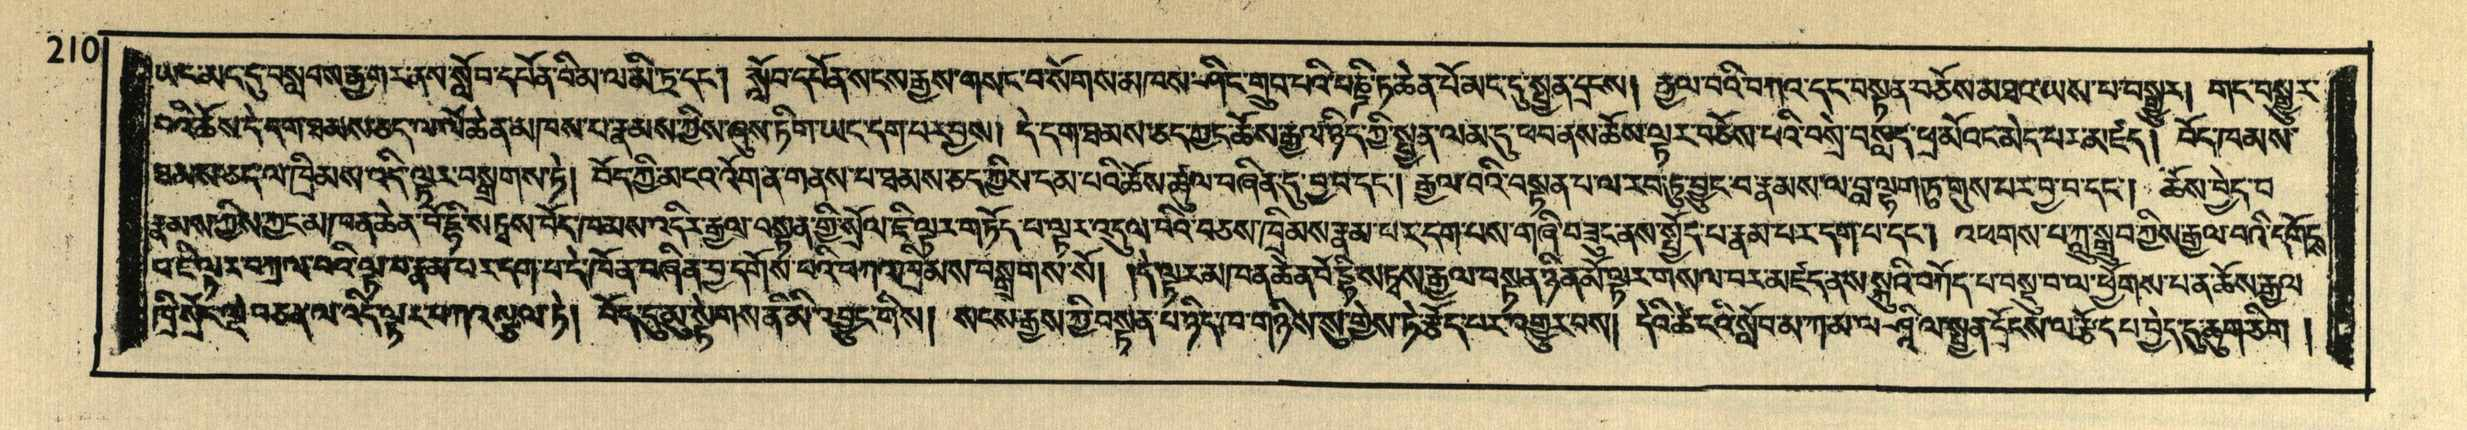ཡང་མང་དུ་བསླབས་རྒྱ་གར་ནས་སློབ་དཔོན་བི་མ་ལ་མི་ཏྲ་དང་། སློབ་དཔོན་སངས་རྒྱས་གསང་བ་སོགས་མཁས་ཤིང་གྲུབ་པའི་པཎྜི་ཏ་ཆེན་པོ་མང་དུ་སྤྱན་དྲངས། རྒྱལ་བའི་བཀའ་དང་བསྟན་བཅོས་མཐའ་ཡས་པ་བསྒྱུར། གང་བསྒྱུར་
བའི་ཆོས་དེ་དག་ཐམས་ཅད་ལ་ལོ་ཆེན་མཁས་པ་རྣམས་ཀྱིས་ཞུས་ཏིག་ཡང་དག་པར་བྱས། དེ་དག་ཐམས་ཅད་ཀྱང་ཆོས་རྒྱལ་ཉིད་ཀྱི་སྤྱན་ལམ་དུ་ཕབ་ནས་ཆོས་ལྟར་བཅོས་པའི་བསྲེ་བསླད་ཕྲ་མོའང་མེད་པར་མཛད། བོད་ཁམས་
ཐམས་ཅད་ལ་ཁྲིམས་འདི་ལྟར་བསྒྲགས་ཏེ། བོད་ཀྱི་མངའ་འོག་ན་གནས་པ་ཐམས་ཅད་ཀྱིས་དམ་པའི་ཆོས་ཚུལ་བཞིན་དུ་བྱ་བ་དང་། རྒྱལ་བའི་བསྟན་པ་ལ་རབ་ཏུ་བྱུང་བ་རྣམས་ལ་བླ་ལྷག་ཏུ་གུས་པར་བྱ་བ་དང་། ཆོས་བྱེད་བ་
རྣམས་ཀྱིས་ཀྱང་མཁན་ཆེན་བོདྷི་སཏྭས་བོད་ཁམས་འདིར་རྒྱལ་བསྟན་གྱི་སྲོལ་ཇི་ལྟར་གཏོད་པ་ལྟར་འདུལ་བའི་བཅས་ཁྲིམས་རྣམ་པར་དག་པས་གཞི་བཟུང་ནས་སྤྱོད་པ་རྣམ་པར་དག་པ་དང་། འཕགས་པ་ཀླུ་སྒྲུབ་ཀྱིས་རྒྱལ་བའི་དགོངས་
བ་ཇི་ལྟར་བཀྲལ་བའི་ལྟ་བ་རྣམ་པར་དག་པ་དེ་ཁོ་ན་བཞིན་བྱ་དགོས་པའི་བཀའ་ཁྲིམས་བསྒྲགས་སོ། །དེ་ལྟར་མཁན་ཆེན་བོ་དྷི་སཏྭས་རྒྱལ་བསྟན་ཉིན་མོ་ལྟར་གསལ་བར་མཛད་ནས་སྐུའི་བཀོད་པ་བསྡུ་བ་ལ་ཕྱོགས་པ་ན་ཆོས་རྒྱལ་
ཁྲི་སྲོང་ལྡེ་བཙན་ལ་འདི་ལྟར་བཀའ་སྩལ་ཏེ། བོད་དུ་མུ་སྟེགས་ནི་མི་འབྱུང་གིས། སངས་རྒྱས་ཀྱི་བསྟན་པ་ཉིད་ཁ་གཉིས་སུ་གྱིས་ཏེ་རྩོད་པར་འགྱུར་བས། དེའི་ཚེ་ངའི་སློབ་མ་ཀ་མ་ལ་ཤཱི་ལ་སྤྱན་དྲོངས་ལ་རྩོད་པ་བྱེད་དུ་ཆུག་ཅིག །